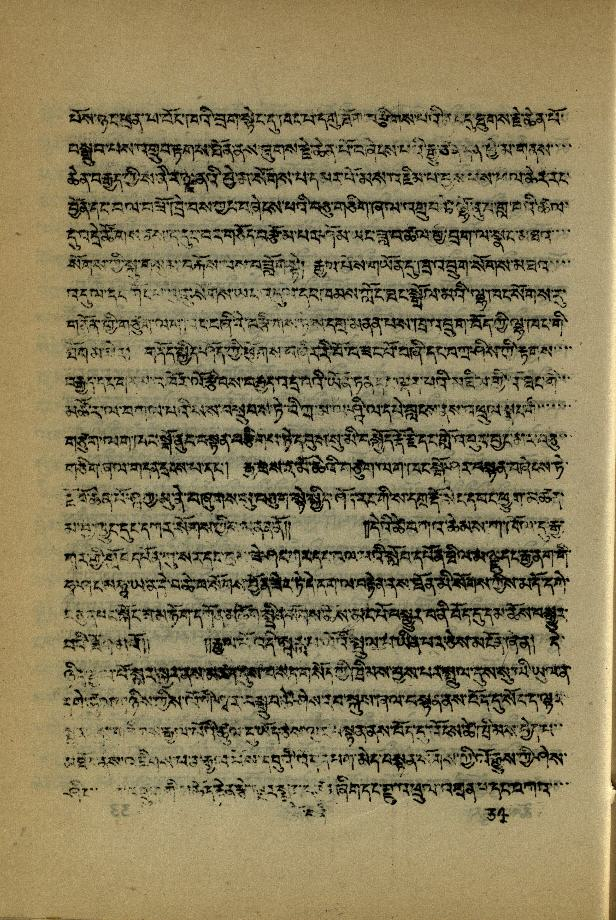པོས་ཉང་ཕྲན་ཕ་བོང་ཁའི་བྲག་སྟེང་དུ་ཁང་པ་དགུ་ཐོག་བརྩིགས་པའི་ནང་དུ་ཐུགས་རྗེ་ཆེན་པོ་
བསྒྲུབ་པས་འགྲུབ་རྟགས་ཐོན་ནས་ཐུགས་རྗེ་ཆེན་པོ་བཞེངས་པའི་རྒྱུ་ཙན་དན་ཕྱེ་མ་གནས་
ཆེན་བརྒྱད་ཀྱི་ས་ནཻ་རཉྫ་ནའི་བྱེ་མ་སོགས་པ་དམར་པོ་མས་འཇིམ་པ་བྱས་པས་ཕལ་ཆེར་རང་
བྱོན་དང་བལ་བཟོ་ཁྲེ་བས་ཀྱང་བཞེངས་པའི་བཅུ་གཅིག་ཞལ་འགྲུབ་ཚེ་ལྷོ་ནུབ་པ་གླ་བའི་ཚལ་
དུ་འདྲེ་ཚོགས་ནས་ད་དུང་བར་གཅོད་བརྩོམ་པར་ཤོམ་ཡང་ཟླ་བ་ཚལ་གྱི་བྲག་ལ་སྣང་མཐའ་
སོགས་ཀྱི་སྐུ་གསུམ་བརྐོས་པས་བཟློག་སྟེ། རྒྱལ་པོས་གཡོན་དུ་ཁྲ་འབྲུག་སོགས་མཐའ་
གདུལ་དང་ཀོང་པོ་བུ་ཆུ་སོགས་ཡང་འདུལ་དང་ཁམས་ཀློང་ཐང་སྒྲོལ་མའི་ལྷ་ཁང་སོགས་དུ་
གནོན་གྱི་གཙུག་ལག་ཁང་བཞིའི་རེ་བརྩིགས་ཏེ་མ་དགྲ་མནན་པས་ཁྲ་འདྲུག་བོད་ཀྱི་ལྷ་ཁང་གི་
ཐོག་མ་ཟེར། གདོད་སྐྱིད་ཤོད་ཀྱི་ཕྱོགས་བཞིར་རི་བོ་བཟང་པོ་བཞི་དང་བཀྲ་ཤིས་ཀྱི་རྟགས་
བརྒྱད་དང་གནམ་འཁོར་ལོ་རྩིབས་བརྒྱད་འདྲ་བའི་ཡོན་ཏན་དང་ལྡན་པའི་མཐིལ་གྱི་འོ་ཐང་གི་
མཚོར་ལ་བཀལ་པའི་སས་བསྲུབས་ཏེའི་ཀྲ་མ་ལ་ཤཱི་ལ་དཔེ་བླངས་ནས་འཕྲུལ་སྣང་གི་
གཙུག་ལག་ཁང་སྒོ་ནུབ་བསྟན་བརྩིགས་ཏེ་དབུས་སུ་མི་བསྐྱོད་རྡོ་རྗེ་དང་གློ་འབུར་བྱང་མར་བཅུ་
གཅིག་ཞལ་གདན་དྲངས་པ་དང་། རྒྱ་ཟས་ར་མོ་ཆེའི་གཙུག་ལག་ཁང་སྒོ་ཤར་བསྟན་བཞེངས་ཏེ་
ཇོ་བོ་ཆེན་པོ་ཤཱཀྱ་མུ་ནི་བཞུགས་སུ་བཅུག་སྟེ་སྐྱིད་ཤོད་རང་གི་ས་དགྲ་རྡོ་སེང་དབང་ཕྱུག་མཚན་
མ་བྱ་བྱུང་དུང་དཀར་སོགས་ཀྱིས་ལ་ནན་ནོ།། །།དེའི་ཚེ་བཀའ་ཆེམས་ཀ་ཁོལ་དུ་རྒྱ་
གར་གྱི་སློབ་དཔོན་ཀུ་སར་དང་བྲམ་ཟེ་ཤང་ཀར་དང་བལ་པའི་སློབ་དཔོན་ཐིལ་མཉྫུ་དང་རྒྱ་ནག་གི་
ཧྭ་ཤང་མྷཱ་ཡ་ན་དེ་བ་ཆེ་བ་སོགས་བྱོན་ཟེར་ཏེ་དེ་དག་ལ་བརྟེན་ནས་ཐོན་མི་སོགས་ཀྱིས་མདོ་དགེ་
བཅུ་དབང་སྐོར་ཟ་མ་ཏོག་དཀོན་མཆོག་སྤྲིན་སོགས་ཆོས་མང་པོ་བསྒྱུར་བ་ཞི་བོད་དུ་དམ་ཆོས་བསྒྱུར་
བའི་ཐོབ་མའོ།། །།རྒྱལ་པོ་འདི་ཨའྲྱ་པ་ལོའི་སྤྲུལ་མ་ཡིན་པར་ཅེས་མངོན་ཞེ་ན།
ཉིད་རྒྱལ་པོ་སླར་སྐྱར་ནས་མཚན་དུས་བསད་གསོད་ཀྱི་ཁྲིམས་བྱས་པར་སྤྲུལ་དུས་སུ་ལི་ཡུལ་ན་
དགེ་ཚུལ་གཉིས་ཀྱིས་ལོ་ཀེ་ཤྭ་ར་བསྒྲུབ་ཚེ་ཤེས་སྐུས་ཞལ་བསྟན་ནས་བོད་དུ་སོང་དུ་ལྟར་
སྤུམ་??་གཟིགས་རྒྱལ་པོའི་ཚུལ་དུ་ཡོད་ཅས་ལུང་བསྟན་ནས་བོད་དུ་འོངས་ཚེ་ཁྲིམས་བྱེད་པ་
མཐོར་ནས་འྯིགས་པ་ན་རྒྱལ་པོས་དབུའི་འོད་དཔག་མེད་བསྟན་སོགས་ཀྱི་ལོ་རྒྱུས་ཀྱི་ཤེས་
ཤིང་། ?་?ཟུག་གི་མཆོད་རྟེན་རྩེ་ལྔར་སྤྲང?་པ་བཞིག་དང་རྫུ་འཕྲུལ་འགྲན་པ་དང་བཀའ་